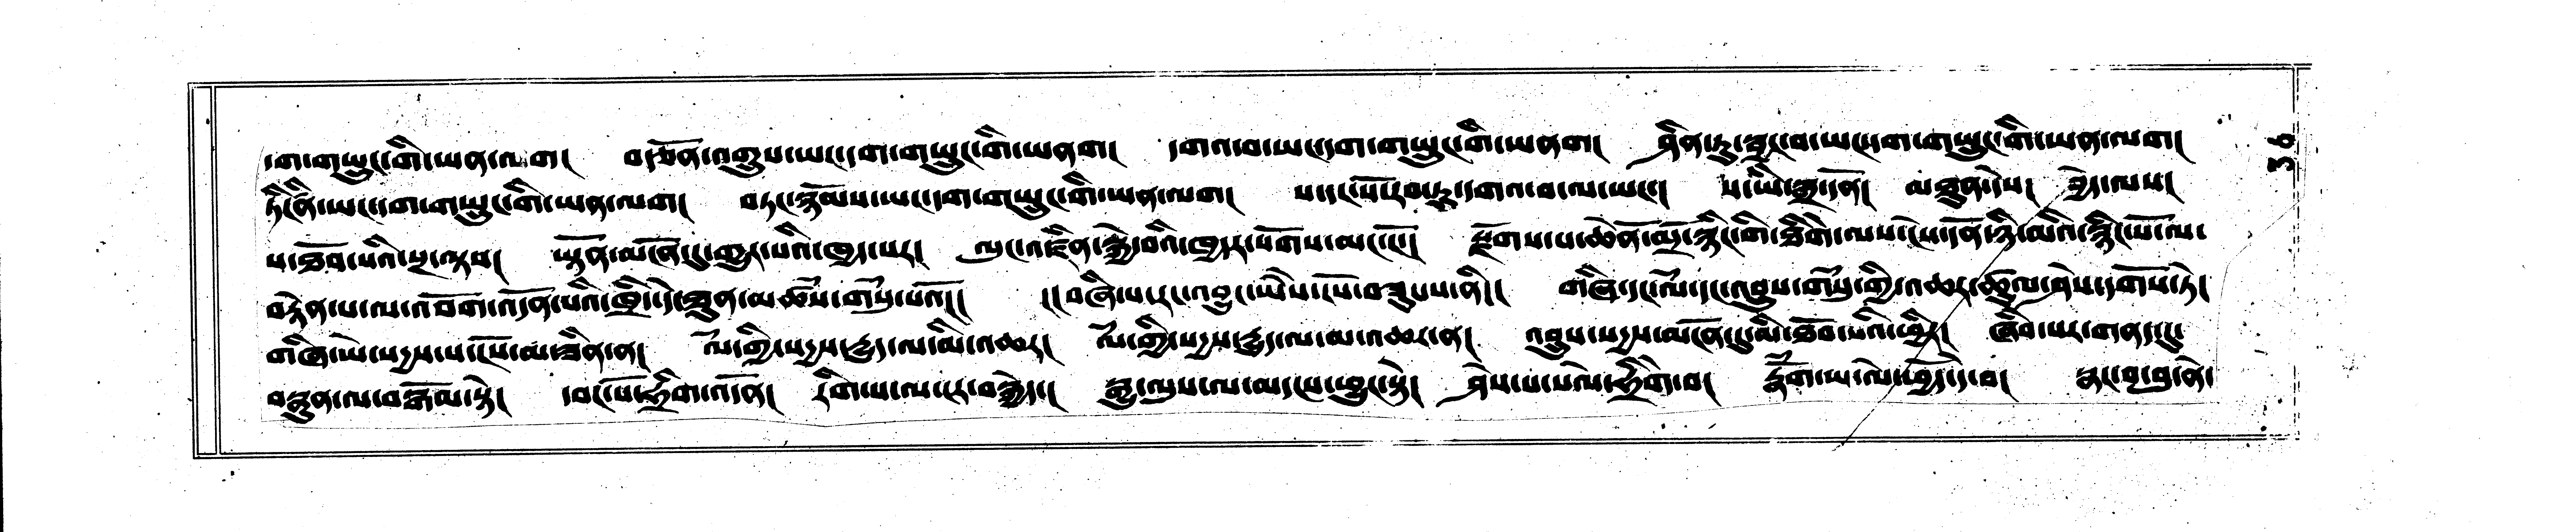དག་གཡུང་དྲུང་གི་ཡན་ལག བརྩོན་འགྲུས་ཡང་དག་གཡུང་དྲུང་གི་ཡན་ལག དགའ་བ་ཡང་དག་གཡུང་དྲུང་གི་ཡན་ལག ཤིན་ཏུ་སྦྱངས་པ་ཡང་དག་གཡུང་དྲུང་གི་ཡན་ལག 
ཏིང་འཛིན་ཡང་དག་གཡུང་དྲུང་གི་ཡན་ལག བཏང་སྙོམས་ཡང་དག་གཡུང་དྲུང་གི་ཡན་ལག ས་དང་པོ་རབ་ཏུ་དགའ་བ་ལ་ཡང་ས་ཡི་སྒྲ་དོན། མཐུན་དཔེ། བྱེད་ལས། 
ས་ཐོབ་པའི་སྔ་ལྟས། ཡོན་ཏན་མངོན་དུ་གྱུར་པའི་ཁྱད་པར། ལུང་འཛིན་སྐྱེ་བའི་ཁྱད་པར་སོགས་མང་ངོ་། རྫོགས་པ་ཆེན་པོ་མཁའ་འགྲོ་སྙིང་གི་ཐིག་ལེ་ལས། ངེས་དོན་ཉི་མའི་སྙིང་པོ་ལ་
བརྟེན་པ་ལ་བོགས་འདོན་པའི་ཁྲིད་དེ་ཐུན་མཚམས་གསུམ་པའོ།། །།བཞི་པ་རང་འབྱུང་ཡེ་ཤེས་ངོས་བཟུང་བ་ནི། གཞི་དང་ལམ་དང་འབྲས་བུ་གསུམ་གྱི་འཆར་ཚུལ་ཤེས་དགོས་ཏེ། 
གཞི་ཡེ་སངས་རྒྱས་པ་ངོས་མ་ཟིན་ན། ལམ་གྱི་སངས་རྒྱས་རྒྱུད་ལ་མི་འཆར།ལམ་གྱི་སངས་རྒྱས་རྒྱུད་ལ་མ་འཆར་ན། འབྲས་བུ་སངས་རྒྱས་མངོན་དུ་མི་འཐོབ་པའི་ཕྱིར ཞིབ་པར་གནད་དུ་
བསྣུན་ལ་བསྒོམ་ཏེ། དབང་པོ་ཧྲིག་འདོན། རིག་པ་ལ་ངར་བསྐྱེད། སྒྱུ་ལུས་ལ་མདངས་ཕྱུང་སྟེ། ཤེས་པ་སལེ་ཧྲིག་གེ་བ། རྣམ་རྟོག་ཡ་ལེ་ཕྱོད་དེ་བ། སྣང་བ་བུན་ནེ་